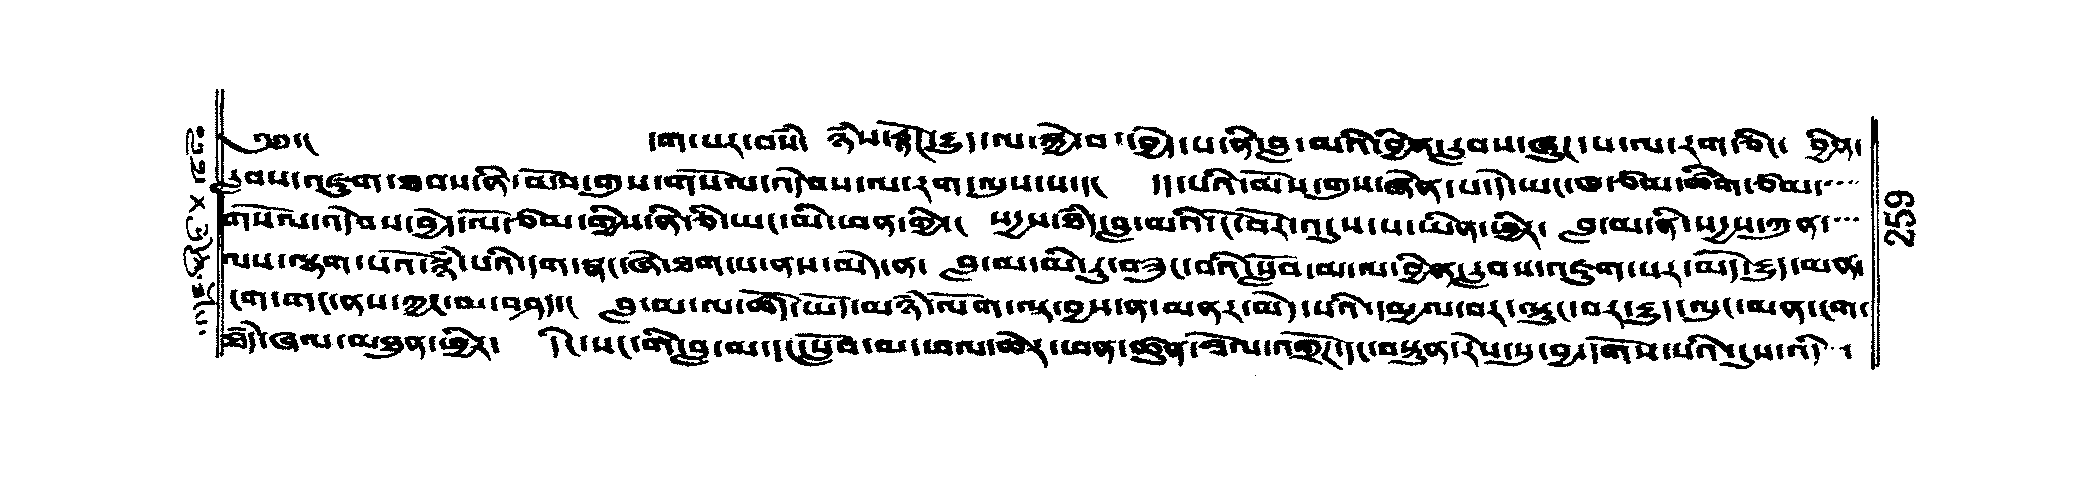དག་པར་བསམ། ཉམས་རྟོགས་རྒྱུད་ལ་སྐྱེ་བར་བྱེན་པ་ནི་བླ་མའི་བྱིང་རླབས་ཞུགས་པ་ལ་རག་ཅིང་ བྱིན་
རླབས་འཇུག་ཐབས་ནི་མོས་གུས་གསོལ་འདེབས་ལ་རག་ལུས་པ་དང་།དད་པ་མོས་གུས་ཞེས་པ་དེ་ཡང་ཁ་ཙམ་ཚིག་ཙམ་
གསོལ་འདེབས་བྱེད་ལོ་ཙམ་གྱིས་ནི་ཅི་ཡང་མི་ཕན་གྱི། སངས་རྒྱས་ཐམས་ཅད་བླ་མའི་ངོ་བོར་འདུས་པ་ཡིན་ཕྱིར། བླ་མ་ནི་སངས་རྒྱས་ཀུན་
ལས་ལྷག་པའོ་སྙམ་པའི་དག་སྣང་ཞེ་ཐག་པ་ནས་མེད་ན། བླ་མ་མི་རུ་བཟུང་བའི་སློབ་མ་ལ་བྱིན་རླབས་འཇུག་པར་མདོ་རྒྱུད་མན་
ངག་གང་ནས་ཀྱང་མ་བཤད། བླ་མ་ལ་ཚོད་ཡོད་མཉམ་འགྲོགས་ལོག་ལྟ་བྱས་ན་མནར་མེད་པའི་དམྱལ་བར་ལྟུང་བར་རྒྱུད་ལུང་མན་ངག་
ཐམས་ཅད་ཞལ་མཐུན་ཕྱིར། དེང་སང་གི་བླ་མ་དང་སློབ་མ་ཕལ་ཆེར་ཕན་ཚུལ་ཟོལ་འགྲོགས་དང་བསྟུན་རེས་སུ་བྱ་དགོས་པའི་དུས་འདི་